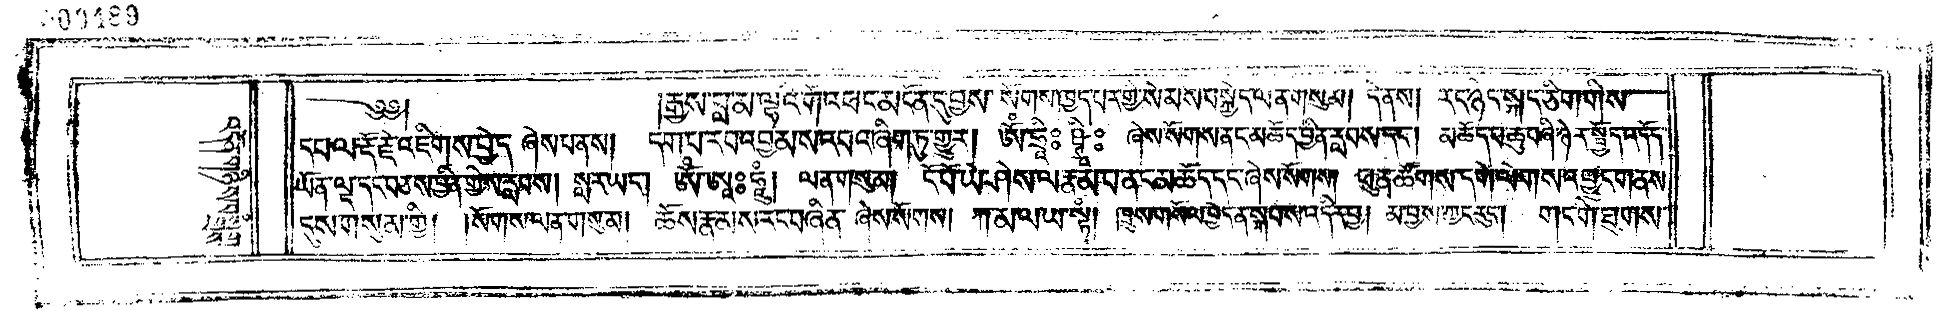༄༅། །རྒྱས་བླ་མ་ལྷའི་གོ་འཕང་མངོན་དུ་བྱས་སོགས་ཁྱད་པར་གྱི་སེམས་བསྐྱེད་ལན་གསུམ། དེ་ནས།  རང་ཉིད་སྐད་ཅིག་གིས་
དཔལ་རྡོ་རྗེ་འཇིགས་བྱེད་ཞེས་པ་ནས།  དག་པ་རབ་འབྱམས་འབའ་ཞིག་ཏུ་གྱུར། ཨོཾ་ཧྲཱིཿ ཥྚྲཱིཿ ཞེས་སོགས་ནང་མཆོད་བྱིན་རླབས་དང་། མཆོད་པ་ཆུ་བཞི་ཉེར་སྤྱོད་འདོད་
ཡོན་ལྔ་དང་བཅས་བྱིན་གྱིས་རླབས། སླར་ཡང་། ཨོཾ་ཨཱཿ ཧཱུཾ། ལན་གསུམ།  ངོ་བོ་ཡེ་ཤེས་ལ་རྣམ་པ་ནང་མཆོད་དང་ཞེས་སོགས། ཕུན་ཚོགས་དགེ་ལེགས་འབྱུང་གནས་
དུས་གསུམ་གྱི། །སོགས་ལན་གསུམ། ཆོས་རྣམས་རང་བཞིན་ཞེས་སོགས། ཀ་མ་ལ་ཡ་སྟྭཾ། ཁྲུས་གསོལ་བྱེད་ན་སྐབས་འདིར་བྱ། མ་བྱས་ཀྱང་རུང་། གང་གི་ཐུགས་